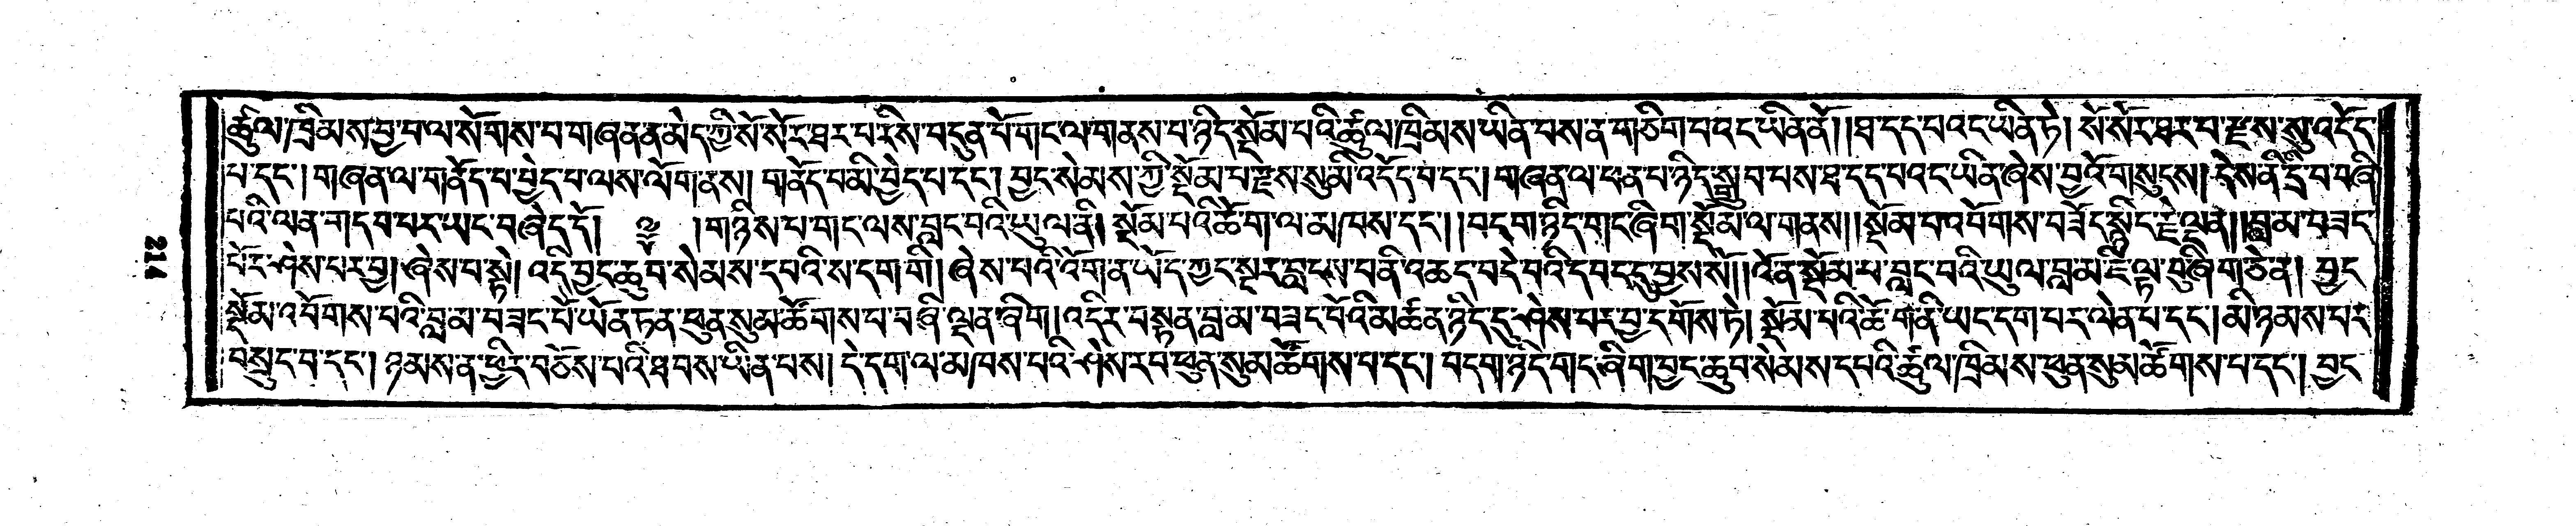ཚུལ་ཁྲིམས་བྱ་བ་ལ་སོགས་པ་གཞན་ན་མེད་ཀྱི་སོ་སོར་ཐར་པ་རིས་བདུན་པོ་གང་ལ་གནས་པ་ཉིད་སྡོམ་པའི་ཚུལ་ཁྲིམས་ཡིན་པས་ན་གཅིག་པའང་ཡིན་ནོ། །ཐ་དད་པའང་ཡིན་ཏེ། སོ་སོར་ཐར་པ་རྫས་སུ་འདོད་
པ་དང་། གཞན་ལ་གནོད་པ་བྱེད་པ་ལས་ལོག་ནས། གནོད་པ་མི་བྱེད་པ་དང་། བྱང་སེམས་ཀྱི་སྡོམ་པ་རྫས་སུ་མི་འདོད་པ་དང་། གཞན་ལ་ཕན་པ་ཉིད་སྒྲུབ་པས་ཐ་དད་པའང་ཡིན་ཞེས་བྱའོ་གསུངས། དེས་ནི་དྲི་བ་བཞི་
བའི་ལན་གདབ་པར་ཡང་བཞེད་དོ། ༈ །གཉིས་པ་གང་ལས་བླང་བའི་ཡུལ་ནི། སྡོམ་པའི་ཆོ་ག་ལ་མཁས་དང་། །བདག་ཉིད་གང་ཞིག་སྡོམ་ལ་གནས། །སྡོམ་པ་འབོགས་བཟོད་སྙིང་རྗེ་ལྡན། །བླ་མ་བཟང་
པོར་ཤེས་པར་བྱ། ཞེས་པ་སྟེ། འདི་བྱང་ཆུབ་སེམས་དཔའི་ས་དག་གི །ཞེས་པའི་འོག་ན་ཡོད་ཀྱང་སྔར་བླངས་པ་ནི་འཆད་བདེ་བའི་དབང་དུ་བྱས་སོ། །འོ་ན་སྡོམ་པ་བླང་པའི་ཡུལ་བླ་མ་ཇི་ལྟ་བུ་ཞིག་ཅེ་ན། བྱང་
སྡོམ་འབོགས་པའི་བླ་མ་བཟང་པོ་ཡོན་ཏན་ཕུན་སུམ་ཚོགས་པ་བཞི་ལྡན་ཞིག །འདིར་བསྟན་བླ་མ་བཟང་པོའི་མཚན་ཉིད་དུ་ཤེས་པར་བྱ་དགོས་ཏེ། སྡོམ་པའི་ཆོ་ག་ནི་ཡང་དག་པར་ལེན་པ་དང་། མི་ཉམས་པར་
བསྲུང་བ་དང་། ཉམས་ན་ཕྱིར་བཅོས་པའི་ཐབས་ཡིན་པས། དེ་དག་ལ་མཁས་པའི་ཤེས་རབ་ཕུན་སུམ་ཚོགས་པ་དང་། བདག་ཉིད་གང་ཞིག་བྱང་ཆུབ་སེམས་དཔའི་ཚུལ་ཁྲིམས་ཕུན་སུམ་ཚོགས་པ་དང་། བྱང་